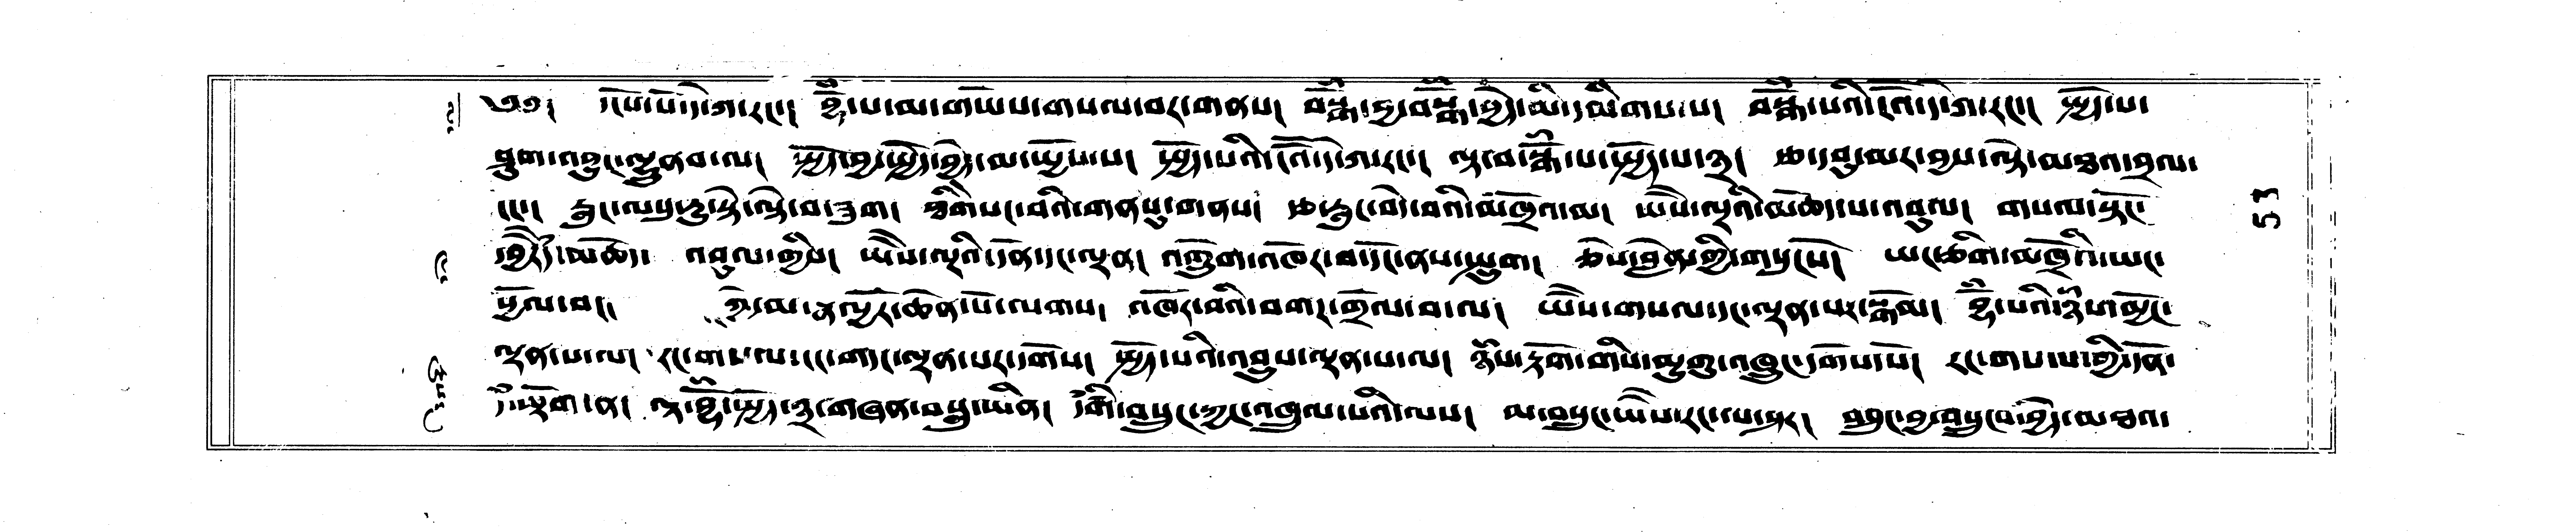དངོས་པོ་དེ་ཀ་རང་། སྒོམ་པ་མ་གཡོས་གསལ་བར་གནས། བསྒོམ་བྱ་སྒོམ་བྱེད་མི་དམིགས་པ། བསྒོམ་པའི་ངོ་བོ་དེ་ཀ་རང་། སྤྱོད་པ་
ཤུགས་འབྱུང་ལྷུན་གྲུབ་ལ། སྤྱོད་བྱ་སྤྱོད་བྱེད་མ་གཡོས་པ། སྤྱོད་པའི་ངོ་བོ་དེ་ཀ་རང་། ལྟ་བ་སྒོམ་པ་སྤྱོད་པ་གསུམ། རྩ་དབུ་མར་བྱས་ཏེ་མཐའ་བྲལ་
ངང་། རླུང་ལས་སུ་རྒྱུ་སྟེ་ལྟེ་བ་ཟུག ཐིག་ལེ་གསང་བའི་གནས་སུ་གནས། རྩ་རླུང་བདེ་བའི་མཁའ་འགྲོ་མ། ཡེ་ཤེས་ལྔའི་མཆོད་པ་འབུལ། གསལ་སྟོང་
དབྱེར་མེད་མཆོད་འབུལ་གྱིས། ཡེ་ཤེས་ལྔའི་དོན་དང་ལྡན། འགྲོ་དྲུག་འཁོར་བ་དོང་ནས་སྤྲུག ཅེས་བླ་ཆེན་གྱིས་གསུངས་སོ། ཅང་ཅིག་མཁའ་འགྲོའི་ཡང་
གསོལ་པ། ཀྱེ་མ་རྣལ་འབྱོར་ཆེན་པོ་ལགས། འཁོར་བའི་བག་ཆགས་གྲོལ་བ་ལ། ཡེ་ཤེས་གསལ་དང་ལྡན་པར་སྒོམ། སྒོམ་པའི་ཉམས་མྱོང་
ལྡན་པ་ལ། རང་གསལ་རང་གདངས་ལྡན་པར་དགོས། སྤྱོད་པའི་འབྲས་བུ་ལྡན་པ་ལ། ཉམས་རྟོགས་ཀྱི་མྱུ་གུ་འཁྲུངས་དགོས་སོ། རང་གསལ་གྱི་དོན་
དམ་ལྡོག་ན། ལྟ་སྒོམ་སྤྱོད་གསུམ་གཞན་བསླུ་ཡིན། དམ་ཚིག་བསྲུང་ཀྱང་འཁྲུལ་པའི་ལས། མ་བསྲུང་ཡེ་ཤེས་རང་ལ་ཤར། བསྲུང་བྱ་སྲུང་བྱེད་མཐའ་